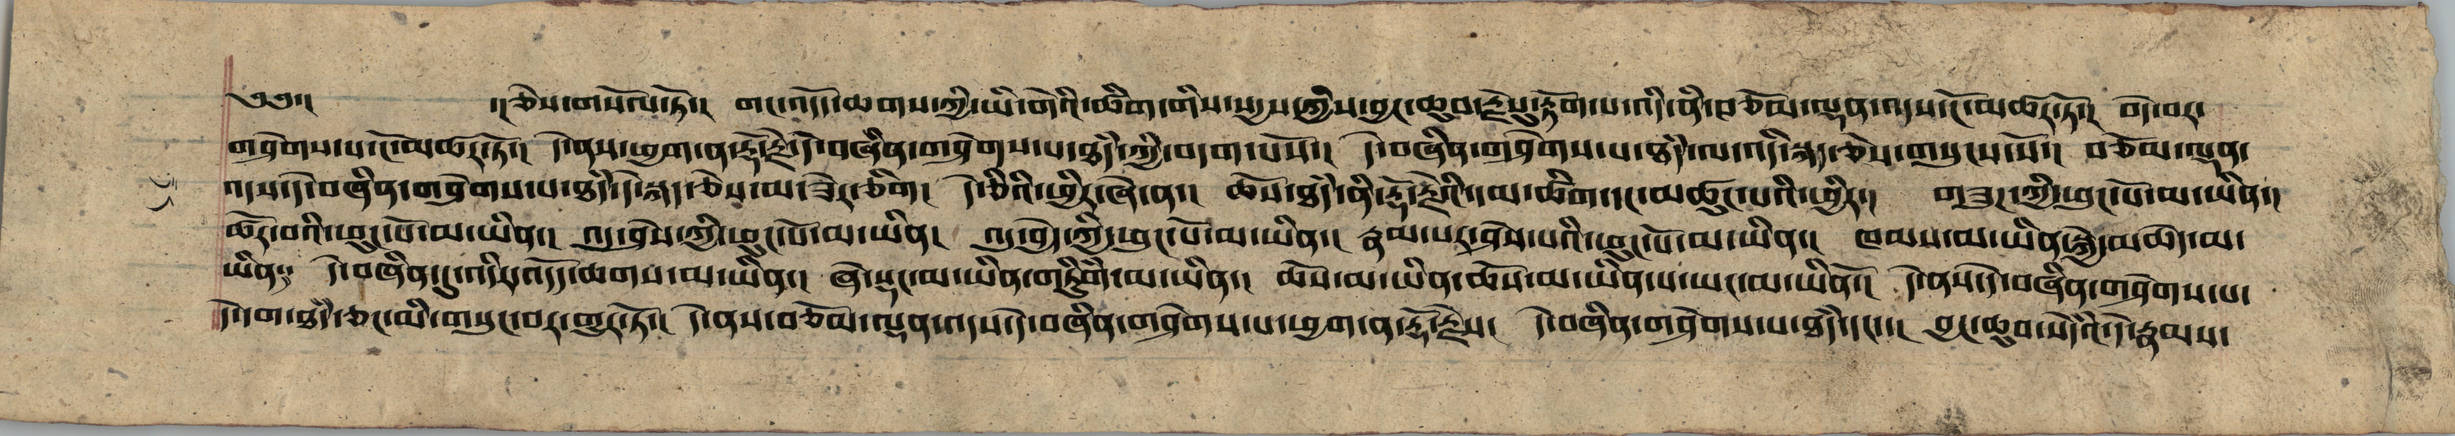༄༅་། ་།ཅེས་གསོལ་ཏོ་། གང་འདོད་ཆགས་ཀྱི་ཡི་གེའི་ཚིག་གིས་སདྱས་ཀྱིས་བྱང་ཆུབ་རྗེསུ་རྟོག་པ་འདི་ནི་བཅོམ་ལྡན་འདས་ངོ་མཚར་ཏོ་། བདེ་བར་
གཤེགས་པ་ངོ་མཚར་ཏོ་། དེ་ནས་ཕྱག་ན་རྡོ་རྗེ་དེ་བཞིན་གཤེགས་པ་ཐཾད་ཀྱི་བདག་པོས་། དེ་བཞིན་གཤེགས་པ་ཐཾད་ལ་འདི་སྐད་ཅེས་གསུངས་སོ་། བཅོམ་ལྡན་
འདས་དེ་བཞིན་གཤེགས་པ་ཐཾད་དེ་སྐད་ཅེས་མ་ཟེར་ཅིག། དེ་ཅིའི་ཕྱིར་ཞེ་ན་། ཆོས་ཐཾད་ནི་རྡོ་རྗེའི་དམ་ཚིག་དང་མཚུངས་པའི་ཕྱིར་། གཟུཌ་ཀྱི་ཕུང་པོ་མ་ཡིན་ད
ཚོར་བའི་ཕུང་པོ་མ་ཡིན་། འདུ་ཤེས་ཀྱི་ཕུང་པོ་མ་ཡིན། འདུ་བྱེད་ཀྱི་ཕུང་པོ་མ་ཡིན་། རྣམ་པར་ཤེས་པའི་ཕུང་པོ་མ་ཡིན་། ཁམས་མ་ཡིན་སྐྱེ་མཆེད་མ་
ཡིན༑ དེ་བཞིན་དུ་འདིར་འདོད་ཆགས་མ་ཡིན་། ཞེ་སྡང་མ་ཡིན་གཏིུགཾ་མ་ཡིན་། ཆོས་མ་ཡིན་ཆོས་མ་ཡིན་པ་ཡང་མ་ཡིནོ་། དེ་ནས་དེ་བཞིན་གཤེགས་པ་
དེ་དག་ཐཾད་ཅང་མི་གསུང་བར་གྱུར་ཏོ་། དེ་ནས་བཅོམ་ལྡན་འདས་དེ་བཞིན་གཤེགས་པ་ཕྱག་ན་རྡོ་རྗེས་། དེ་བཞིན་གཤེགས་པ་ཐཾད་དང་་། བྱང་ཆུབ་སེདཾའ་དེ་རྣམས་